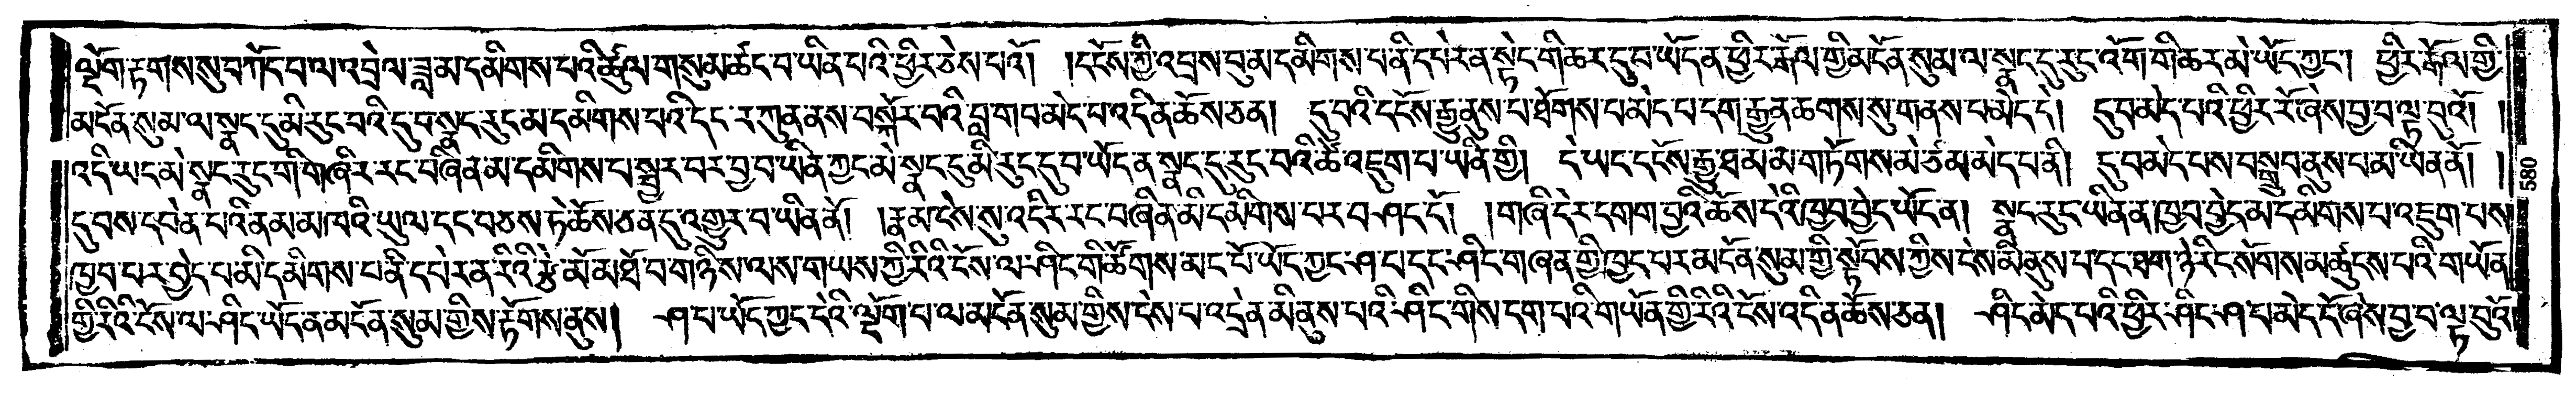ལྡོག་རྟགས་སུ་བཀོད་པ་ལ་འབྲེལ་ཟླ་མ་དམིགས་པའི་ཚུལ་གསུམ་ཚང་བ་ཡིན་པའི་ཕྱིར་ཅེས་པའོ། །དངོས་ཀྱི་འབྲས་བུ་མ་དམིགས་པ་ནི་དཔེར་ན་སྟེང་གི་ཆར་དུ་བ་ཡོད་ན་ཕྱིར་རྒོལ་གྱི་མངོན་སུམ་ལ་སྣང་དུ་རུང་འོག་གི་ཆར་མེ་ཡོད་ཀྱང་། ཕྱིར་རྒོལ་གྱི་
མངོན་སུམ་ལ་སྣང་དུ་མི་རུང་བའི་དུ་བ་སྣང་རུང་མ་དམིགས་པའི་དང་ར་ཀུན་ནས་བསྐོར་བའི་བླ་གབ་མེད་པ་འདི་ན་ཆོས་ཅན། དུ་བའི་དངོས་རྒྱུ་ནུས་པ་ཐོགས་པ་མེད་པ་དག་རྒྱུན་ཆགས་སུ་གནས་པ་མེད་དེ། དུ་བ་མེད་པའི་ཕྱིར་རོ་ཞེས་བྱ་བ་ལྟ་བུའོ། །
འདི་ཡང་མེ་སྣང་རུང་གི་གཞིར་རང་བཞིན་མ་དམིགས་པ་སྦྱར་བར་བྱ་བ་ཡིན་ཀྱང་མེ་སྣང་དུ་མི་རུང་དུ་བ་ཡོད་ན་སྣང་དུ་རུང་བའི་ཚེ་འཇུག་པ་ཡིན་གྱི། དེ་ཡང་དངོས་རྒྱུ་ཐ་མ་མ་གཏོགས་མེ་ཙམ་མེད་པ་ནི། དུ་བ་མེད་པས་བསྒྲུབ་ནུས་པ་མ་ཡིན་ནོ། །
དུ་བས་དབེན་པའི་ནམ་མཁའི་ཡུལ་དང་བཅས་ཏེ་ཆོས་ཅན་དུ་འགྱུར་བ་ཡིན་ནོ། །རྣམ་ངེས་སུ་འདིར་རང་བཞིན་མི་དམིགས་པར་བཤད་དོ། །གཞི་དེར་དགག་བྱའི་ཆོས་དེའི་ཁྱབ་བྱེད་ཡོང་ན། སྣང་རུང་ཡིན་ན་ཁྱབ་བྱེད་མ་དམིགས་པ་འཇུག་པས་
ཁྱབ་པར་བྱེད་པ་མི་དམིགས་པ་ནི་དཔེར་ན་རིའི་རྩེ་མོ་མཐོ་བ་གཉིས་ལས་གཡས་ཀྱི་རིའི་ངོས་ལ་ཤིང་གི་ཚོགས་མང་པོ་ཡོད་ཀྱང་ཤ་པ་དང་ཤིང་གཞན་གྱི་ཁྱད་པར་མངོན་སུམ་གྱི་སྟོབས་ཀྱིས་ངེས་མི་ནུས་པ་དང་ཐག་ཉེ་རིང་སོགས་མཚུངས་པའི་གཡོན་
གྱི་རིའི་ངོས་ལ་ཤིང་ཡོད་ན་མངོན་སུམ་གྱིས་རྟོགས་ནུས། ཤ་པ་ཡོད་ཀྱང་དེའི་ལྡོག་པ་ལ་མངོན་སུམ་གྱིས་ངེས་པ་འདྲེན་མི་ནུས་པའི་ཤིང་གིས་དག་པའི་གཡོན་གྱི་རིའི་ངོས་འདི་ན་ཆོས་ཅན། ཤིང་མེད་པའི་ཕྱིར་ཤ་པ་མེད་དོ་ཞེས་བྱ་བ་ལྟ་བུའོ།